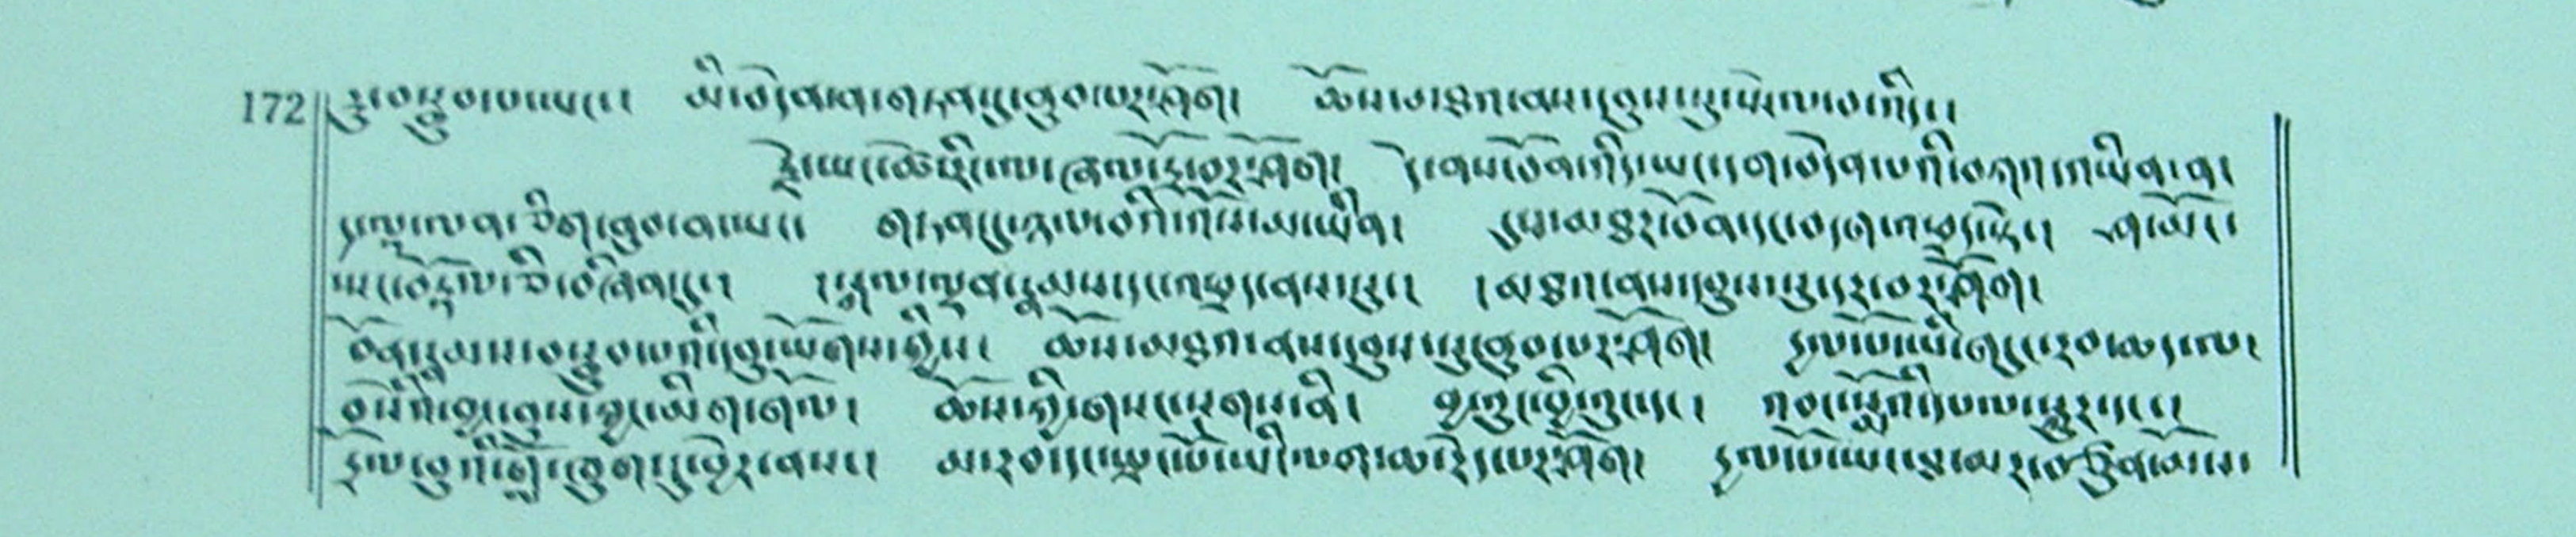རུ་བསྣུབས་པ་ཡང་། མི་བདེན་ན་གཏན་དུ་ནུབ་པར་ཤོག ཆོས་མཐའ་ནས་དབུས་སུ་སྤེལ་བ་འདི། 
རྗེ་ཡང་ཚེ་རིང་ལ་ཞལ་དྲོ་བར་ཤོག དེ་ནས་བོན་འདི་ཡང་དག་བདེན་པའི་བཀའ་ཡིན་ན། 
ད་ལྟ་ལན་གཅིག་ནུབ་ན་ཡང་། གཏན་དུ་ཉལ་བའི་འོས་མ་ཡིན། དུས་མཐར་བོན་དང་བདག་འཕྲད་དེ། ཤ་མོང་
སྤང་བརྡོལ་ཅི་བཞིན་དུ། སྐལ་ལྡན་རྣམས་དང་ཕྲད་ནས་སུ། མཐའ་ནས་དབུས་སུ་དར་བར་ཤོག 
བོན་རྣམས་བསྣུབ་པའི་དབུ་ཡོགས་ཀྱིས། ཆོས་མཐའ་ནས་དབུས་ནས་ནུབ་པར་ཤོག རྒྱལ་པོ་གདུང་རབས་ཆད་ལང་། 
བསེའི་བྱང་བུས་ཀྱང་མི་གོལ། ཆོས་ཀྱི་གསང་སྔགས་ནི། བྱ་འུང་བྱི་འུང་དང་། འབང་སྨོའི་དཔལ་སྐུར་དང་། 
དྲིལ་བུའི་བློ་ཁུག་ཏུ་བྱེར་ནས། མ་རབས་དང་སྤྲང་བོའི་ལག་ཆ་རེད་པར་ཤོག རྒྱལ་བོ་ཡང་ཐ་མར་བཙུན་མོས་